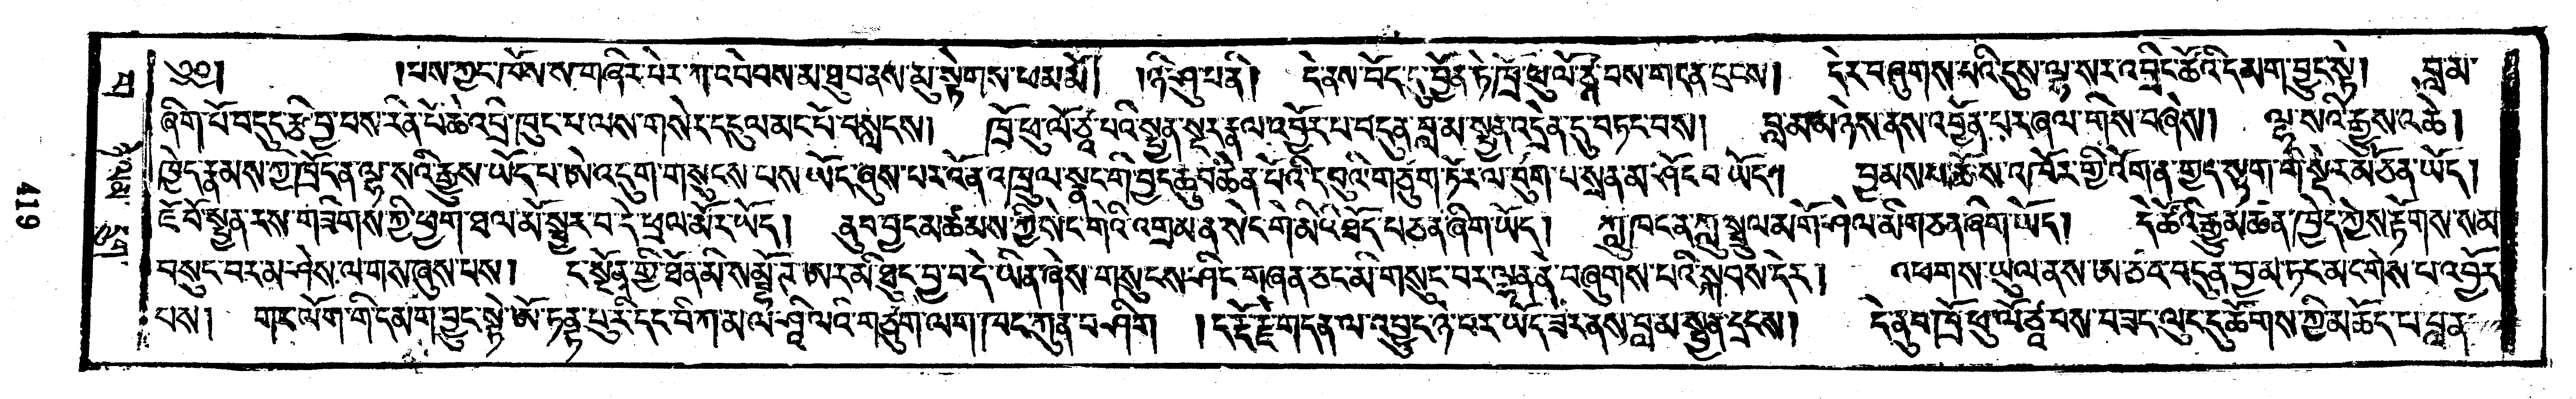༄༅། །པས་ཀྱང་ཁོས་ས་གཞིར་པེར་ཀ་འབེབས་མ་ཐུབ་ནས་མུ་སྟེགས་ཕམ་མོ། །ཉི་ཤུ་པ་ནི། དེ་ནས་བོད་དུ་བྱོན་ཏེ་ཁྲོ་ཕུ་ལོ་ཙཱ་བས་གདན་དྲངས། དེར་བཞུགས་པའི་དུས་ལྷ་སར་འབྲིང་ཚོའི་དམག་བྱུང་སྟེ། བླ་མ་
ཞིག་པོ་བདུད་རྩི་བྱ་བས་རིན་པོ་ཆེ་འབྲི་ཁུང་པ་ལས་གསེར་དངུལ་མང་པོ་བསླངས། ཁྲོ་ཕུ་ལོ་ཙཱ་པའི་སྤྱན་སྔར་རྣལ་འབྱོར་པ་བདུན་བླ་མ་སྤྱན་འདྲེན་དུ་བཏང་བས། བླ་མ་མཉེས་ནས་འབྱོན་པར་ཞལ་གིས་བཞེས། ལྷ་སའི་རྒྱུས་འཆེ།
ཁྱེད་རྣམས་ཀྱི་ཁྲོད་ན་ལྷ་སའི་རྒྱུས་ཡོད་པ་ཨེ་འདུག་གསུངས་པས་ཡོད་ཞུས་པར་འོ་ན་འཁྲུལ་སྣང་གི་བྱང་ཆུབ་ཆེན་པོའི་དབུའི་གཙུག་ཏོར་ལ་བུག་པ་སྲན་མ་ཤོང་བ་ཡོད། བྱམས་པ་ཆོས་འཁོར་གྱི་འོག་ན་གྱད་སྟག་གི་སྡེར་མོ་ཅན་ཡོད།
ཇོ་བོ་སྤྱན་རས་གཟིགས་ཀྱི་ཕྱག་ཐལ་མོ་སྦྱར་བ་དེ་ཕྲལ་མོར་ཡོད། ནུབ་བྱང་མཚམས་ཀྱི་སེང་གེའི་འགྲམ་ན་སེང་གེ་མིའི་ཐོད་པ་ཅན་ཞིག་ཡོད། ཀླུ་ཁང་ན་ཀླུ་སྦྲུལ་མགོ་ཤེལ་མིག་ཅན་ཞིག་ཡོད། དེ་ཚོའི་རྒྱུ་མཚན་ཁྱེད་ཀྱེས་རྟོགས་སམ་
བསུང་བར་མ་ཤེས་ལ་གས་ཞུས་པས། ང་སྔོན་གྱི་ཐོན་མི་སམྦྷོ་ཊ་ཨར་མི་ཐུང་བྱ་བ་དེ་ཡིན་ཞེས་གསུངས་ཤིང་གཞན་ཅད་མི་གསུང་བར་ལྷན་ནེ་བཞུགས་པའི་སྐབས་དེར། འཕགས་ཡུལ་ནས་ཨ་ཙང་བདུན་བྱ་མ་ཏང་མང་གེས་པ་འབྱོར་
པས། གང་ལོག་གི་དམག་བྱུང་སྟེ་ཨོ་ཏནྟ་པུ་རི་དང་བི་ཀ་མ་ལ་ཤཱི་ལའི་གཙུག་ལག་ཁང་ཀུན་བཤིག །ད་རྡོ་རྗེ་གདན་ལ་འབྱུང་ཉེ་བར་ཡོད་ཟེར་ནས་བླ་མ་སྤྱན་དྲངས། དེ་ནུབ་ཁྲོ་ཕུ་ལོ་ཙཱ་བས་བཟང་ལུང་དུ་ཚོགས་ཀྱི་མཆོད་པ་བླ་ན་